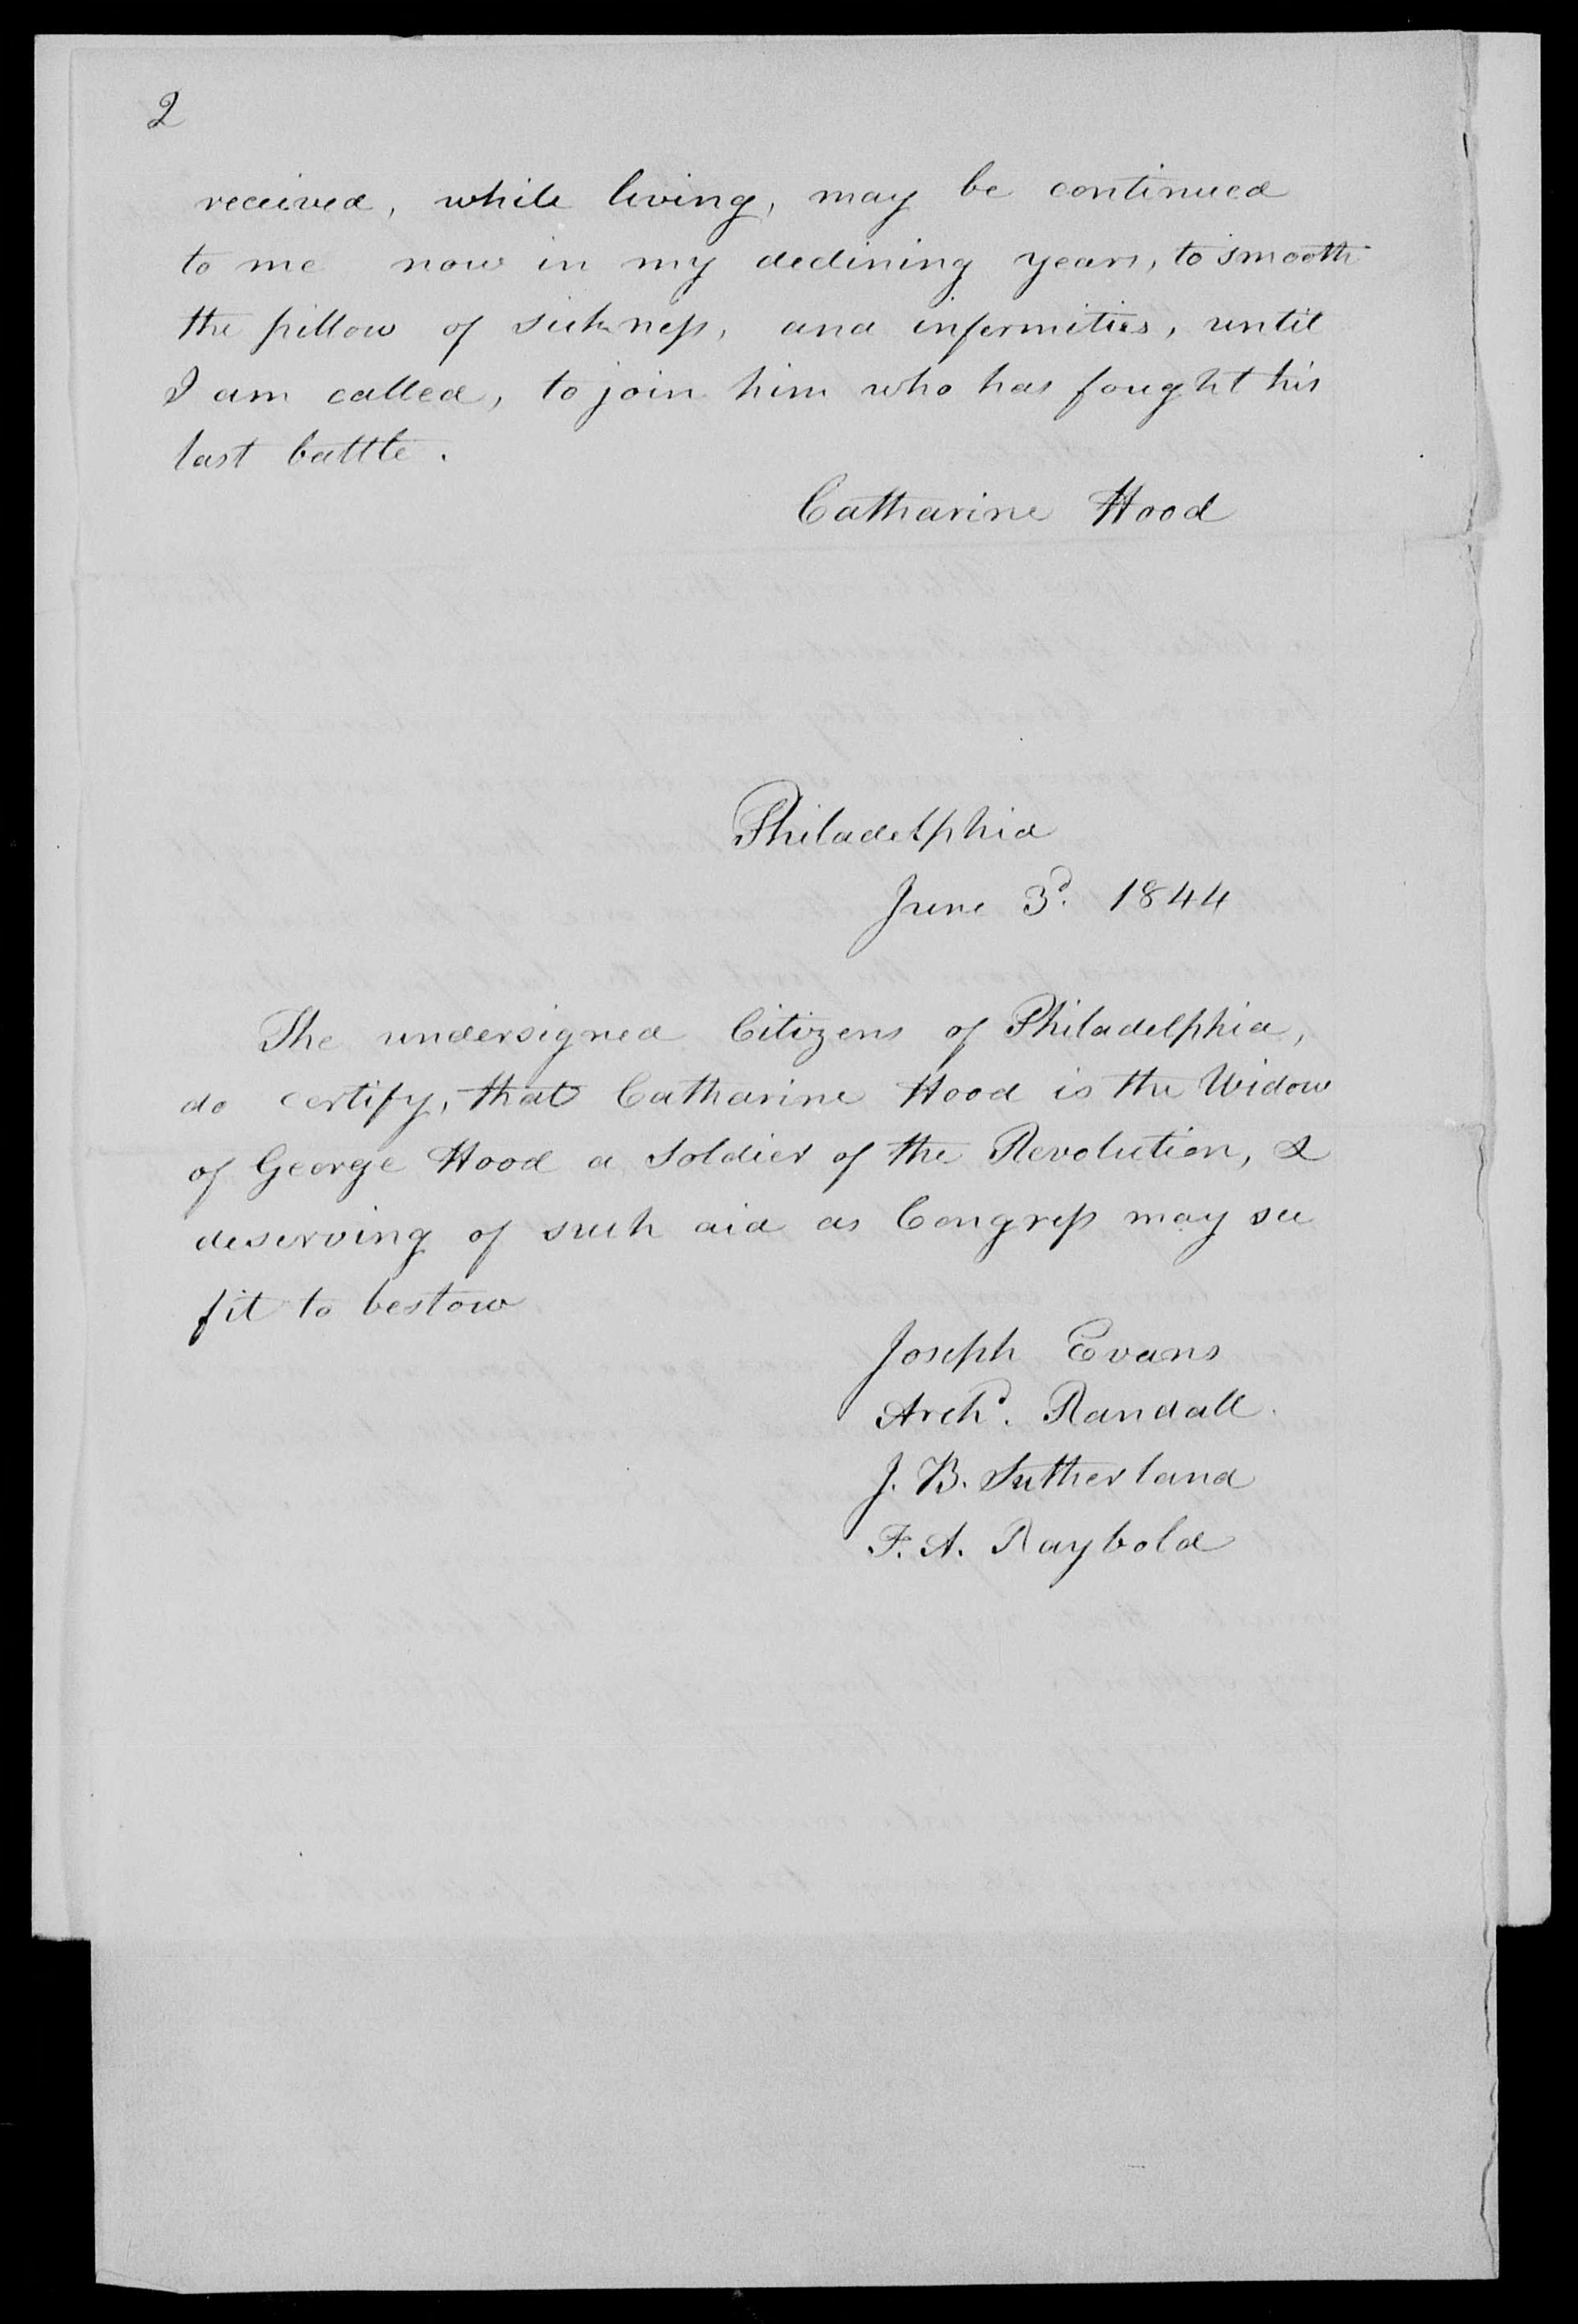While living, may be continued to me now in my declining years, to smooth pillow of sickness, and infirmities, until I am called, to join who has fought his last battle.
Catharine Hood

Philadelphia 
June 3rd, 1844
The undersigned Citizens of Philadelphia, do certify, that Catharine Hood is the widow of George Hood, a soldier of the Revolution, and deserving of such aid as Congress may see fit to bestow. 
Joseph Evans
Arch Randall 
J. B. Sutherland
F. A. Raybold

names: F A Raybold, Catharine Hood, Archd Randall, Catharine Hood, Joseph Evans, J B Sutherland, George Hood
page: 37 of 51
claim: widow's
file: W 8939, George Hood, Continental Va.